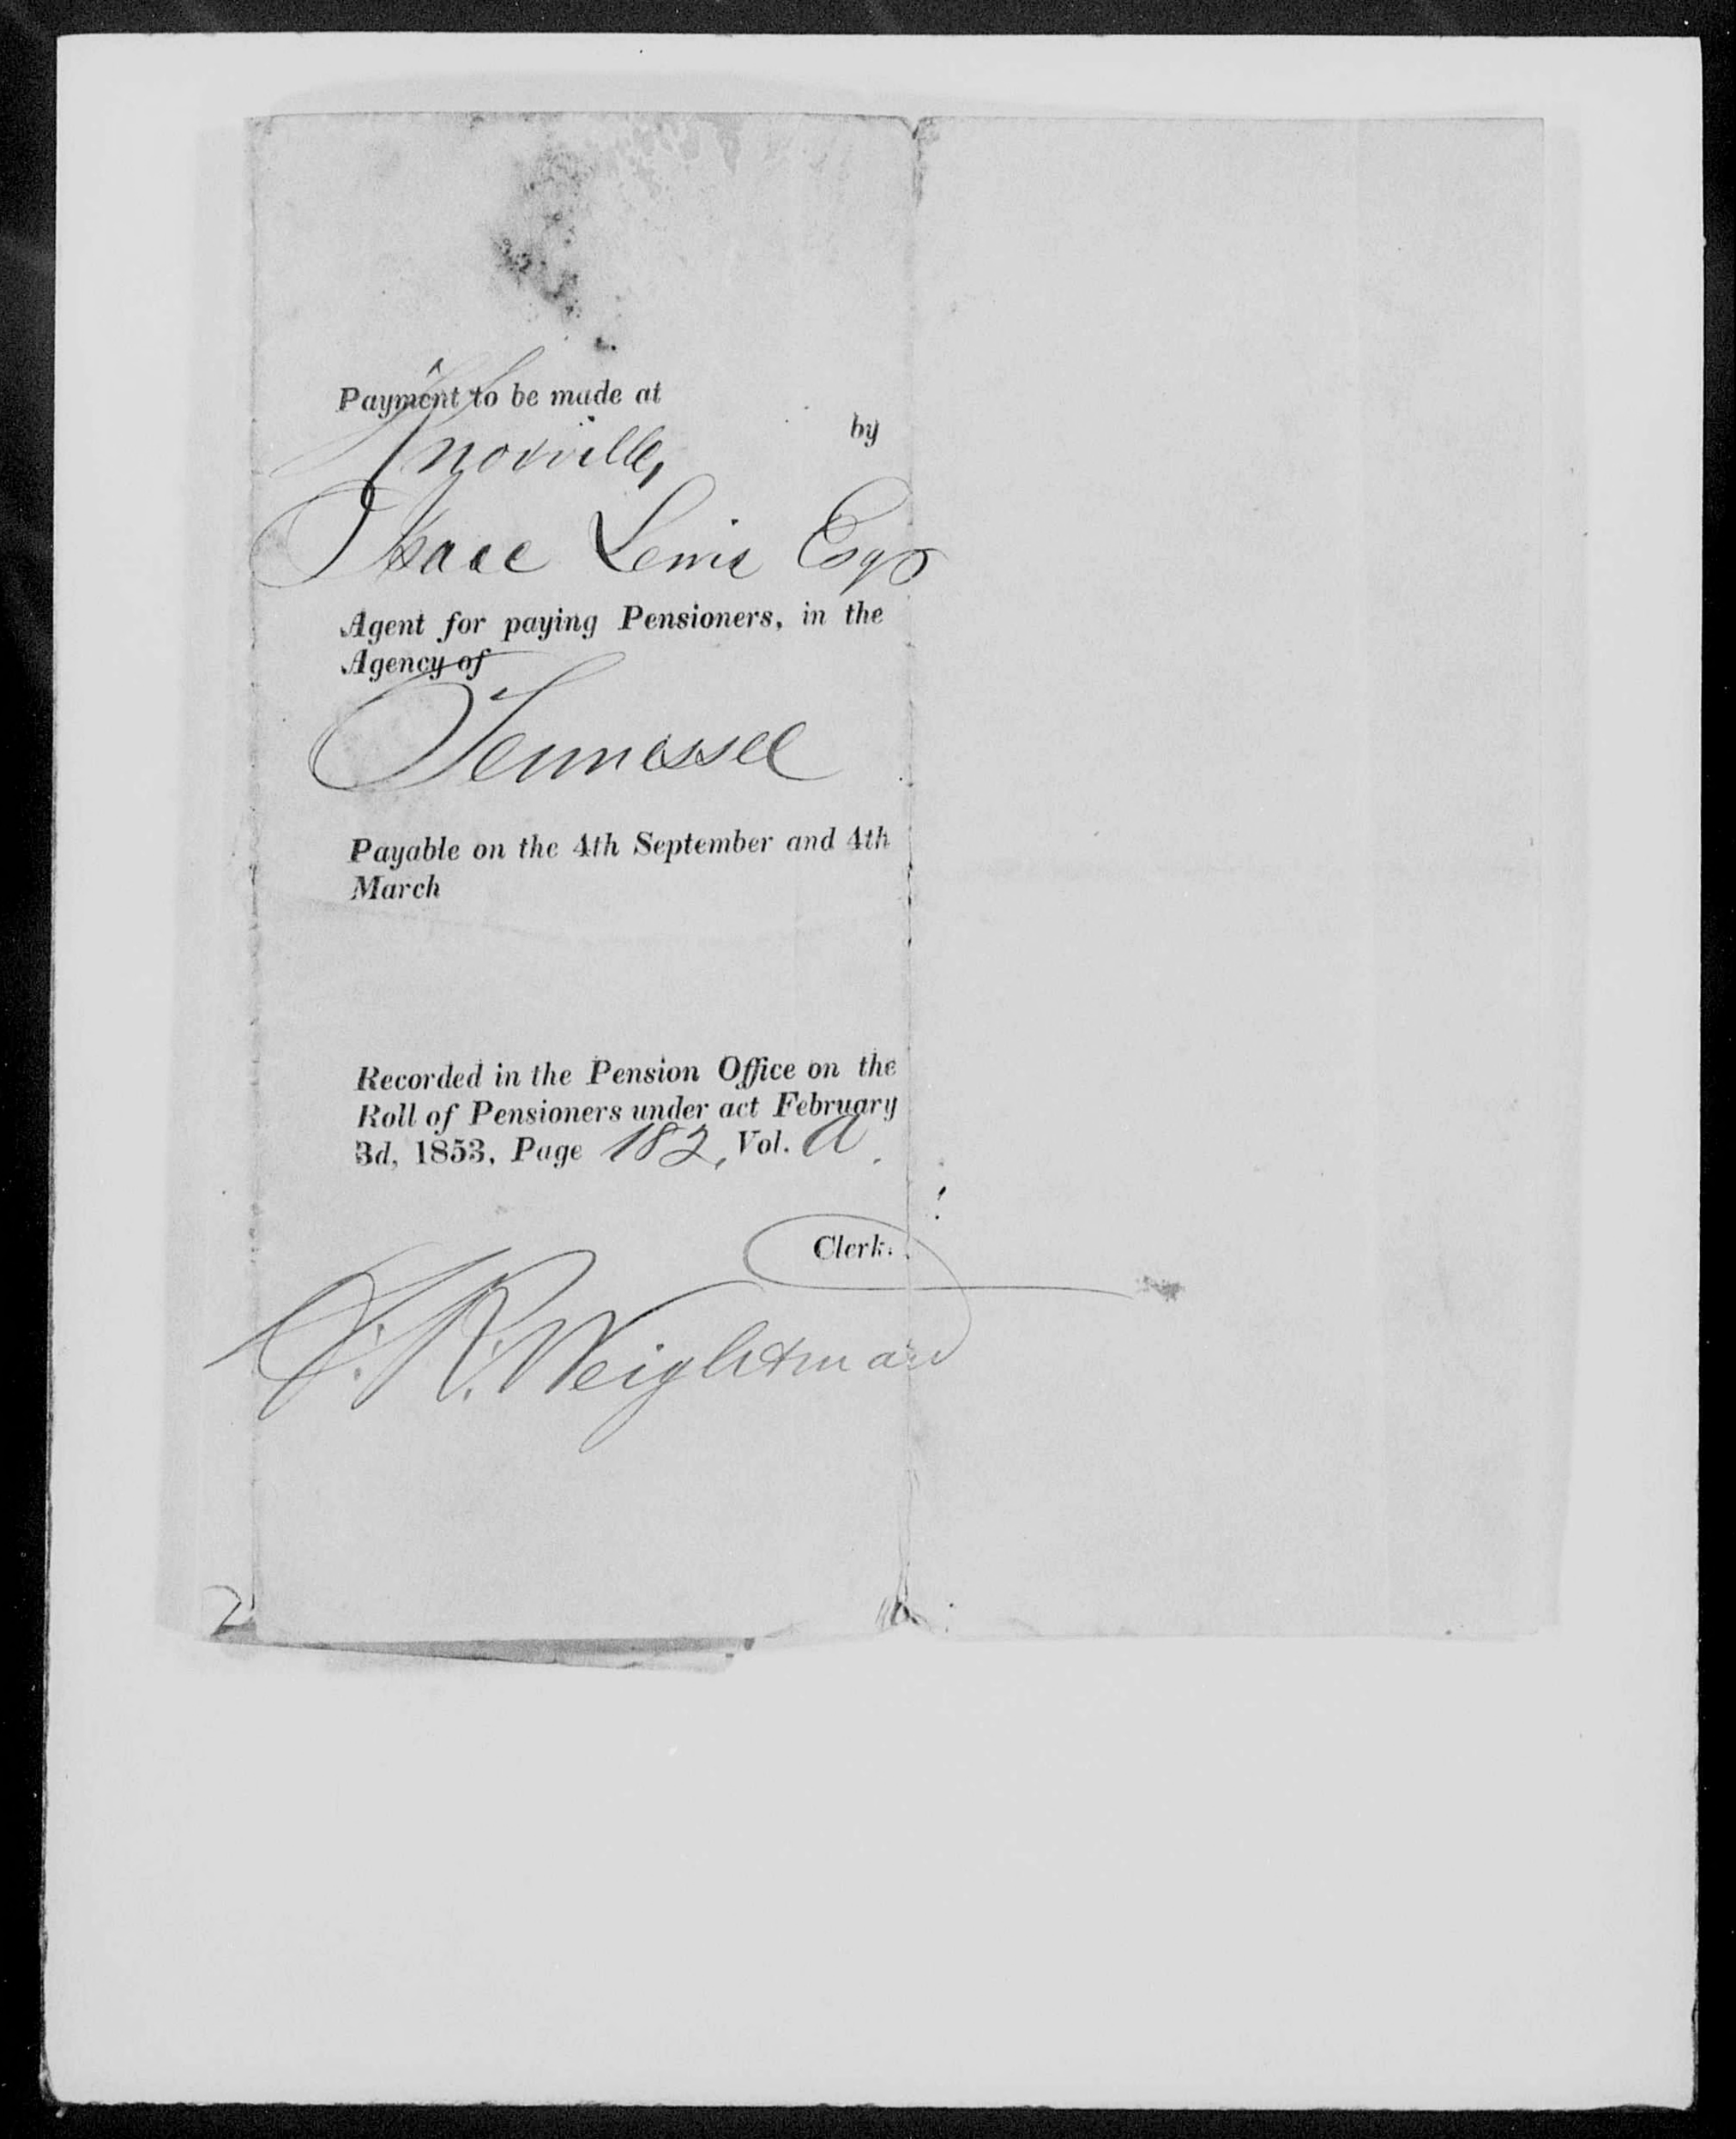Payment to be made at
Knoxville by
Isaac Lewis Esq

Agent for paying Pensioners, in the Agency of
Tennessee

Payable on the 4th September and 4th March

Recorded in the Pension Office on the
Roll of Pensioners under act February
3d. 1853, Page : 182, Vol. A.

Clerk.

 H R Weightmaed [signature]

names: H R Weightmaed, Isaac Lewis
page: 28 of 86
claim: widow's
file: W. 1035, John Hubbs, S.C.